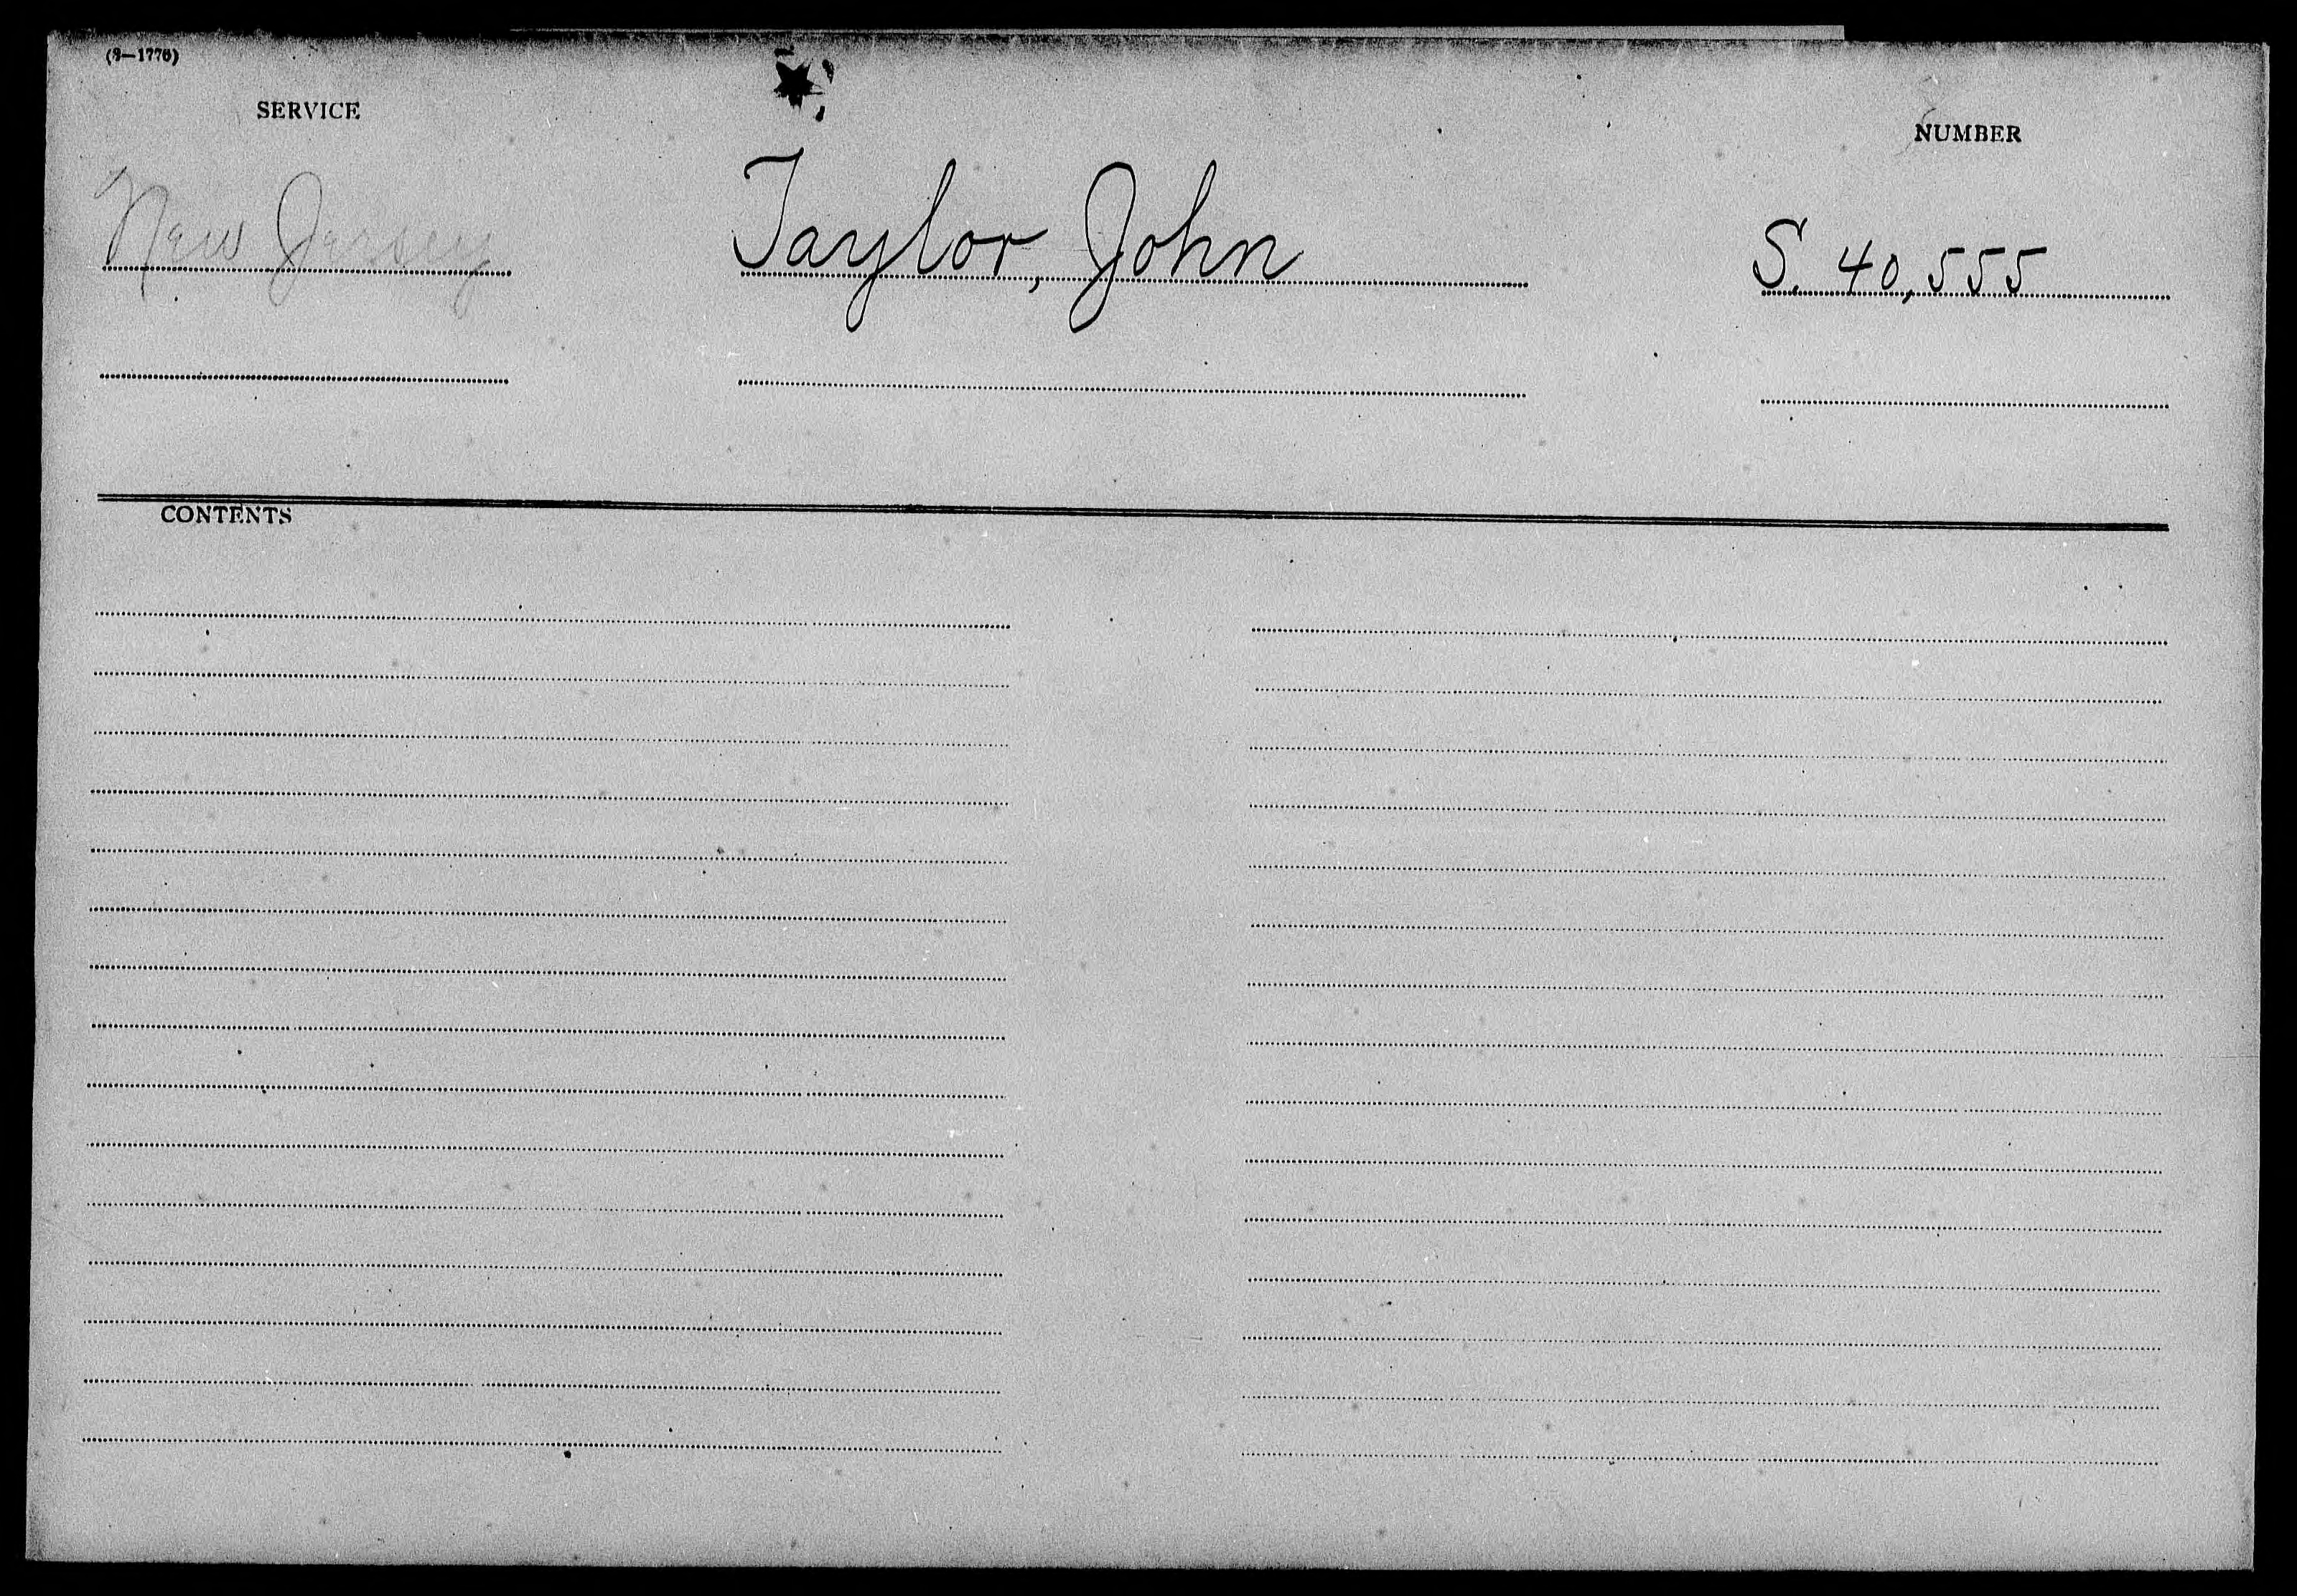(3-1776)

SERVICE

New Jersey.  Taylor, John 

NUMBER 
S. 40, 555

CONTENTS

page: 1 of 9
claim: survivor's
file: S. 40,555, for John Taylor, New Jersey